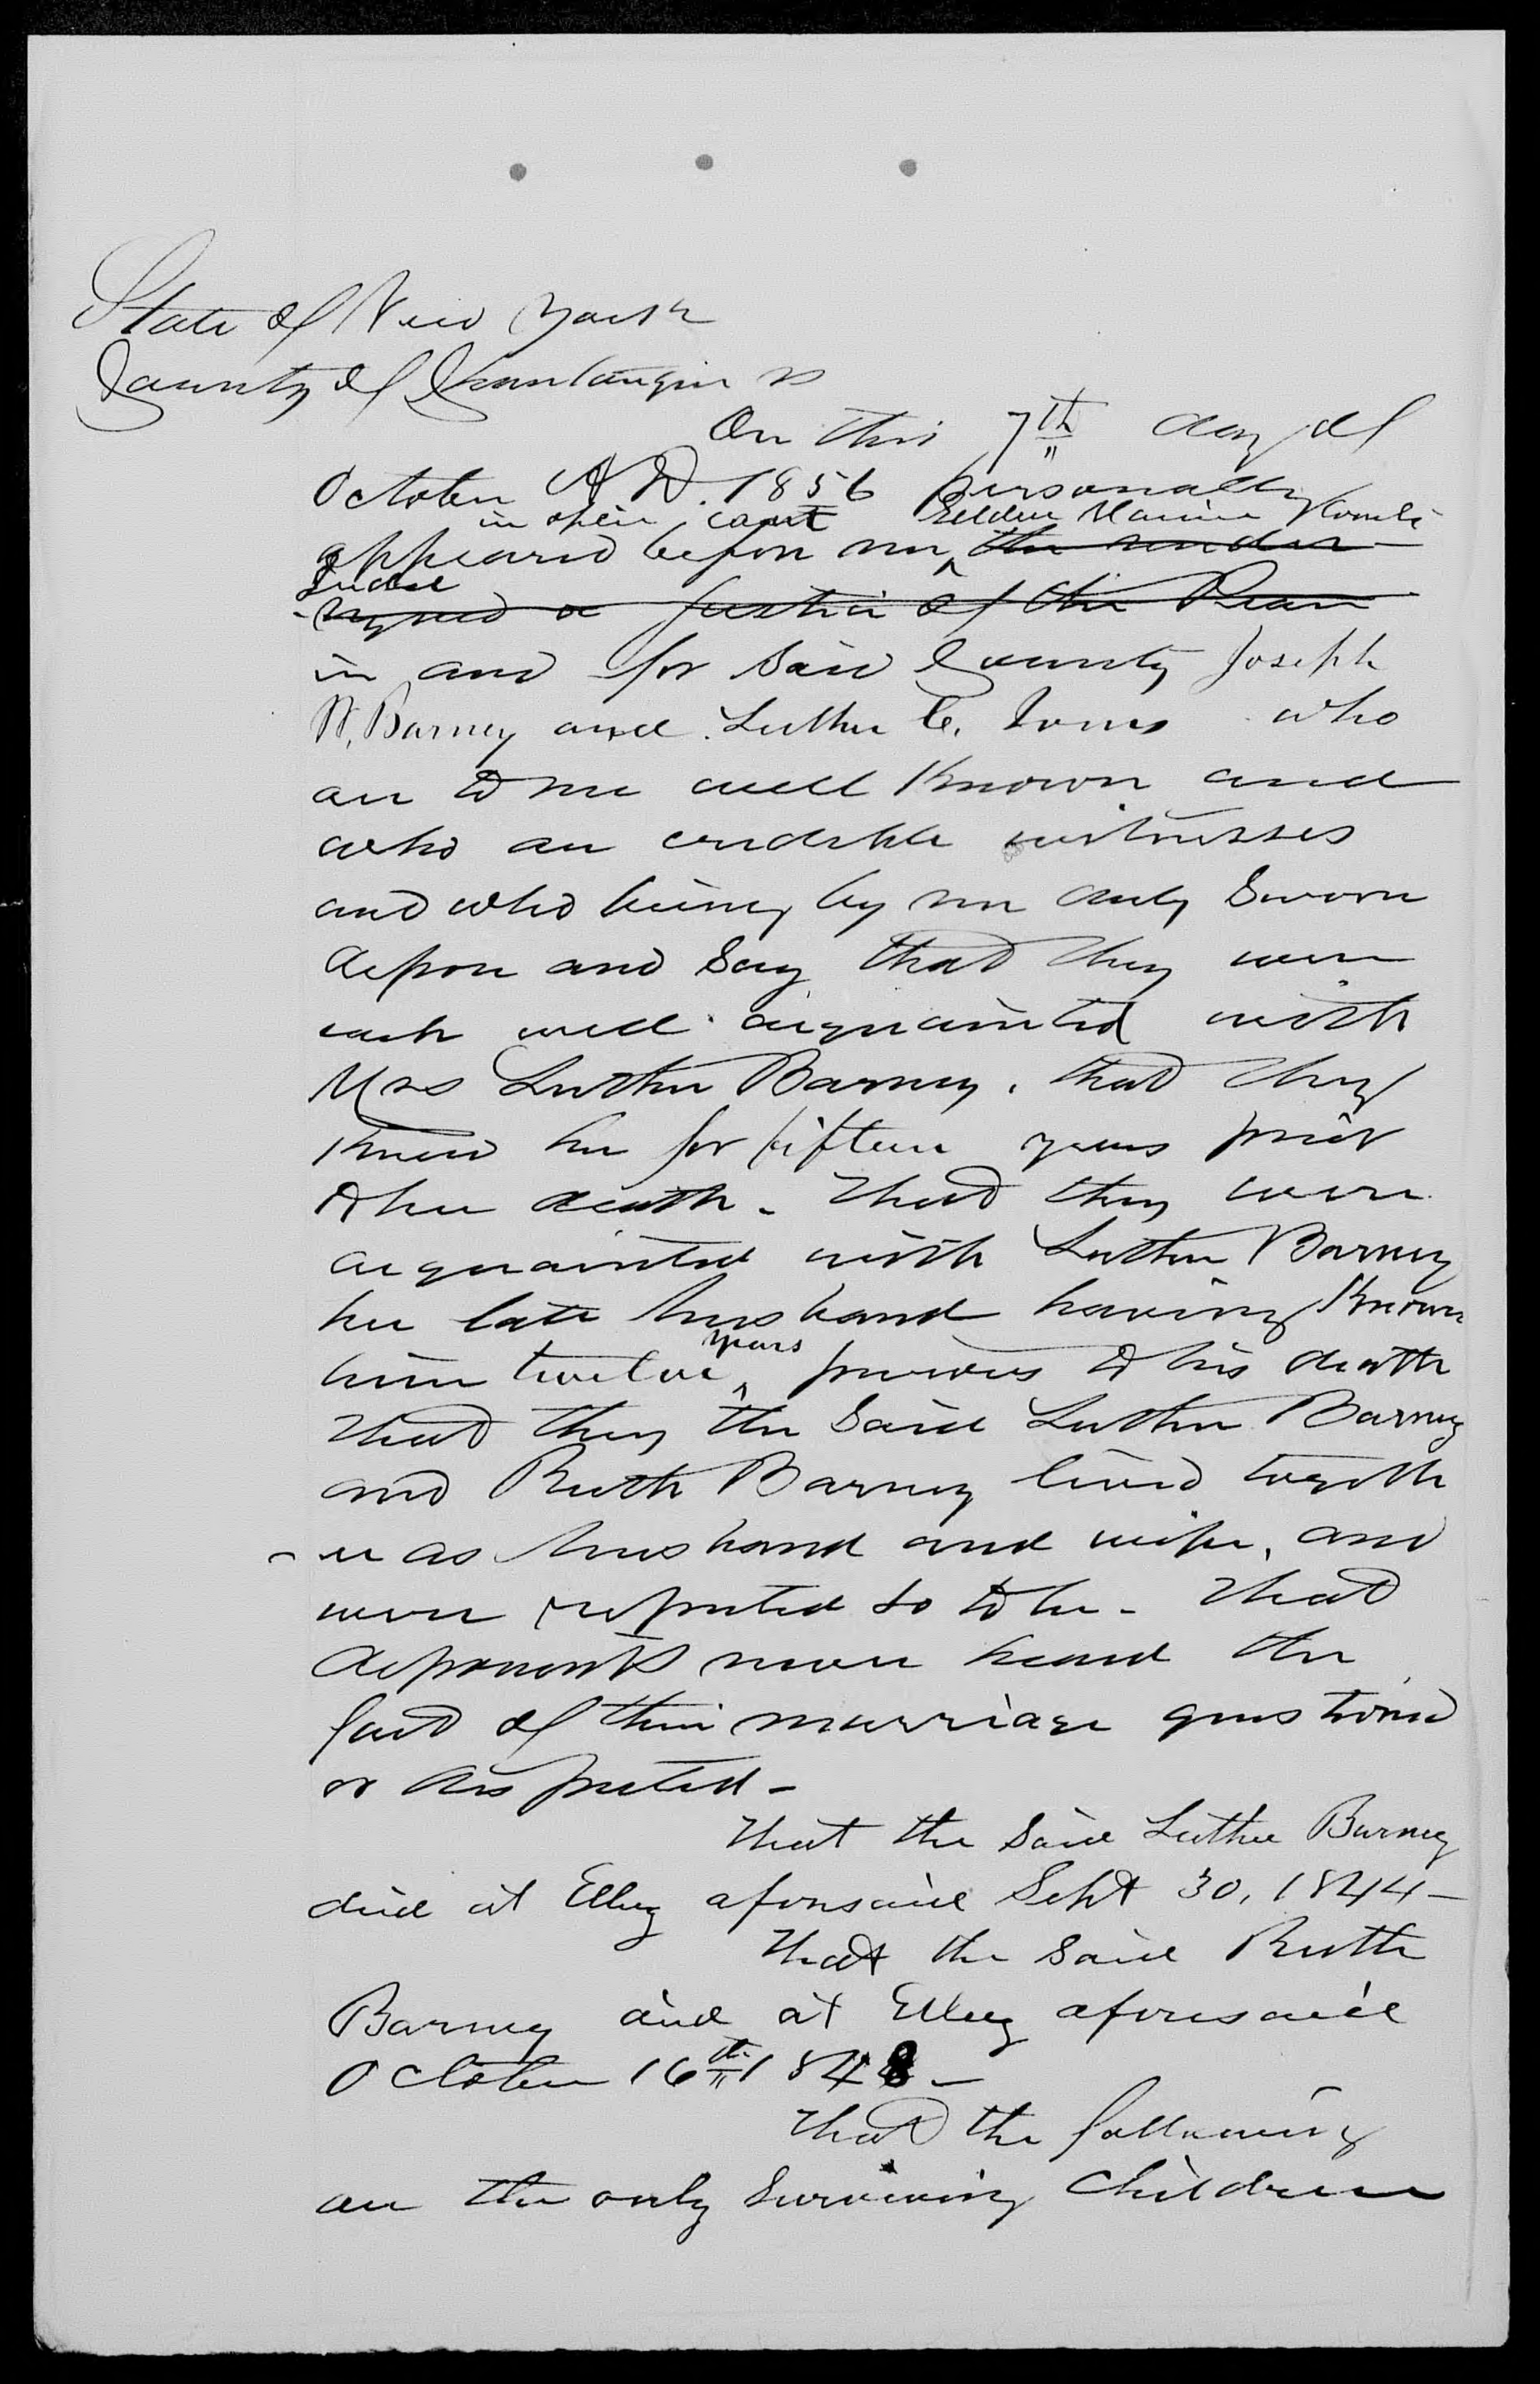State of New York
County of Chautauqua

On this 7th day of October AD. 1856 personally appeared before me the undersigned a Justice of the Peace [last 7 words crossed out] in
open court Seldin Marvin County Judge [last 7 words inserted] in and for said County Joseph W. Barney and Luther C. Ivins who are to me well known and who are credible witnesses and who being by me duly sworn
depose and say that they were each well-acquainted with Mrs Luther Barney, that they knew her for fifteen years prior to her death, that they were acquainted with Luther Barney her late husband having known him twelve years [word inserted] previous to his death, that they the said Luther Barney and Ruth Barney lived together as husband and wife, and were reputed so to be, that deponents never heard the fact of their marriage questioned or disputed,

that the said Luther Barney died at Ellery aforesaid Sept 30, 1844,

that the said Ruth Barney died at Ellery aforesaid October 16th 1848

that the following are the only Surviving Children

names: Luther C Jones, Luther Barney, Luther Barney, Joseph W Barney, Luther Barney, Ruth Barney, Luther Barney, Ruth Barney, Selden Marvin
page: 29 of 61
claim: widow's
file: W. 4.124, Luther Barney, Conn. Privateer.